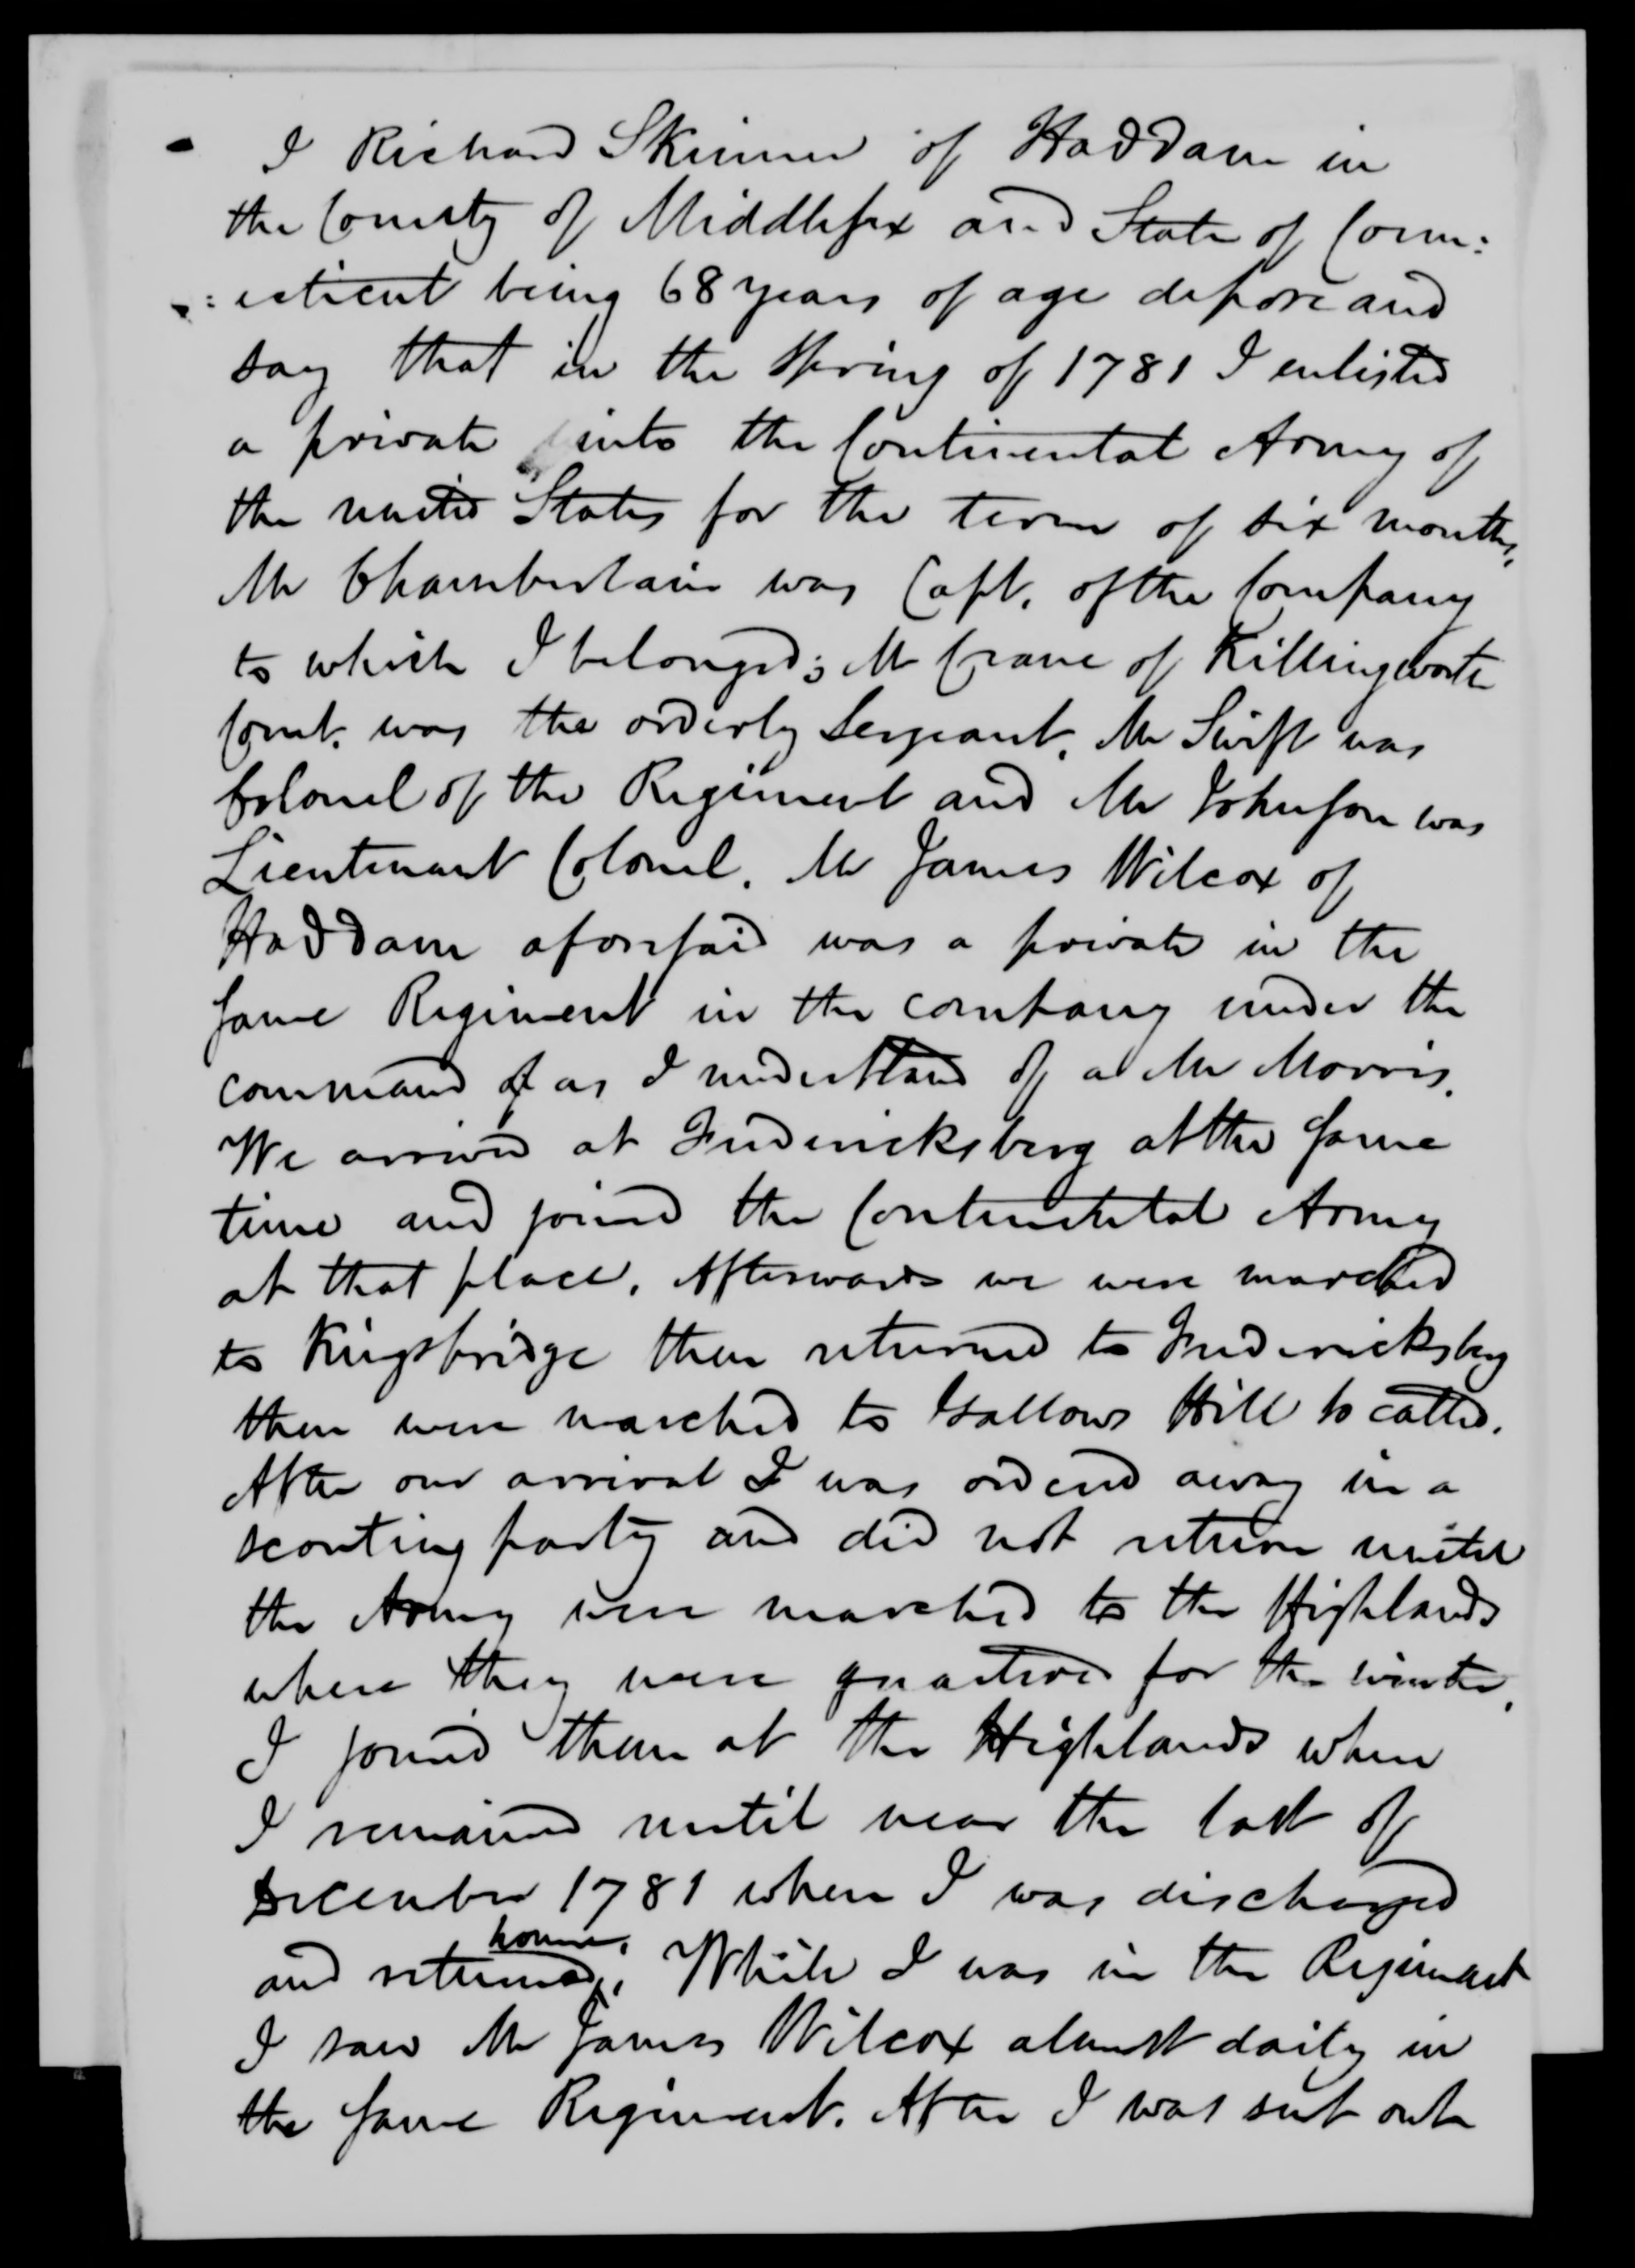I Richard Skinner of Haddam in the County of Middlesex and State of Connecticut being 68 years of age depose and say that in the Spring of 1781 I enlisted a private into the Continental Army of the United States for the term of six months. Mr Chamberlain was Capt. of the Company to which I belonged; Mr Crave of Killingworth Connt was the orderly Sergeant, Mr Swift was Colonel of the Regiment and Mr Johnson was Lieutenant Colonel. Mr James Wilcox of Haddam aforesaid was a private in the same Regiment in the company under the command of as I understand of a Mr Morris. We arrived at Fredericksberg at the same time and joined the Contenental Army at that place. Afterwards we were marched to Kingsbridge then returned to Fredericksberg then were marched to Gallows Hill so called. After our arrival I was ordered away in a scouting party and did not return within the Army then marched to the Highlands where they were quartered for the winter. I joined them at the Highlands where I remained until near the last of December 1781 where I was discharged and returned home. Which I was in the Regiment I saw Mr James Wilcox almost daily in the same Regiment. After I was sut out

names: Richard Skinner, White, Morris, Johnson, James Wilcox, Crane, Swift, Chamberlain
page: 32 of 46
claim: widow's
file: W. 18,417, James Willcox, Conn.